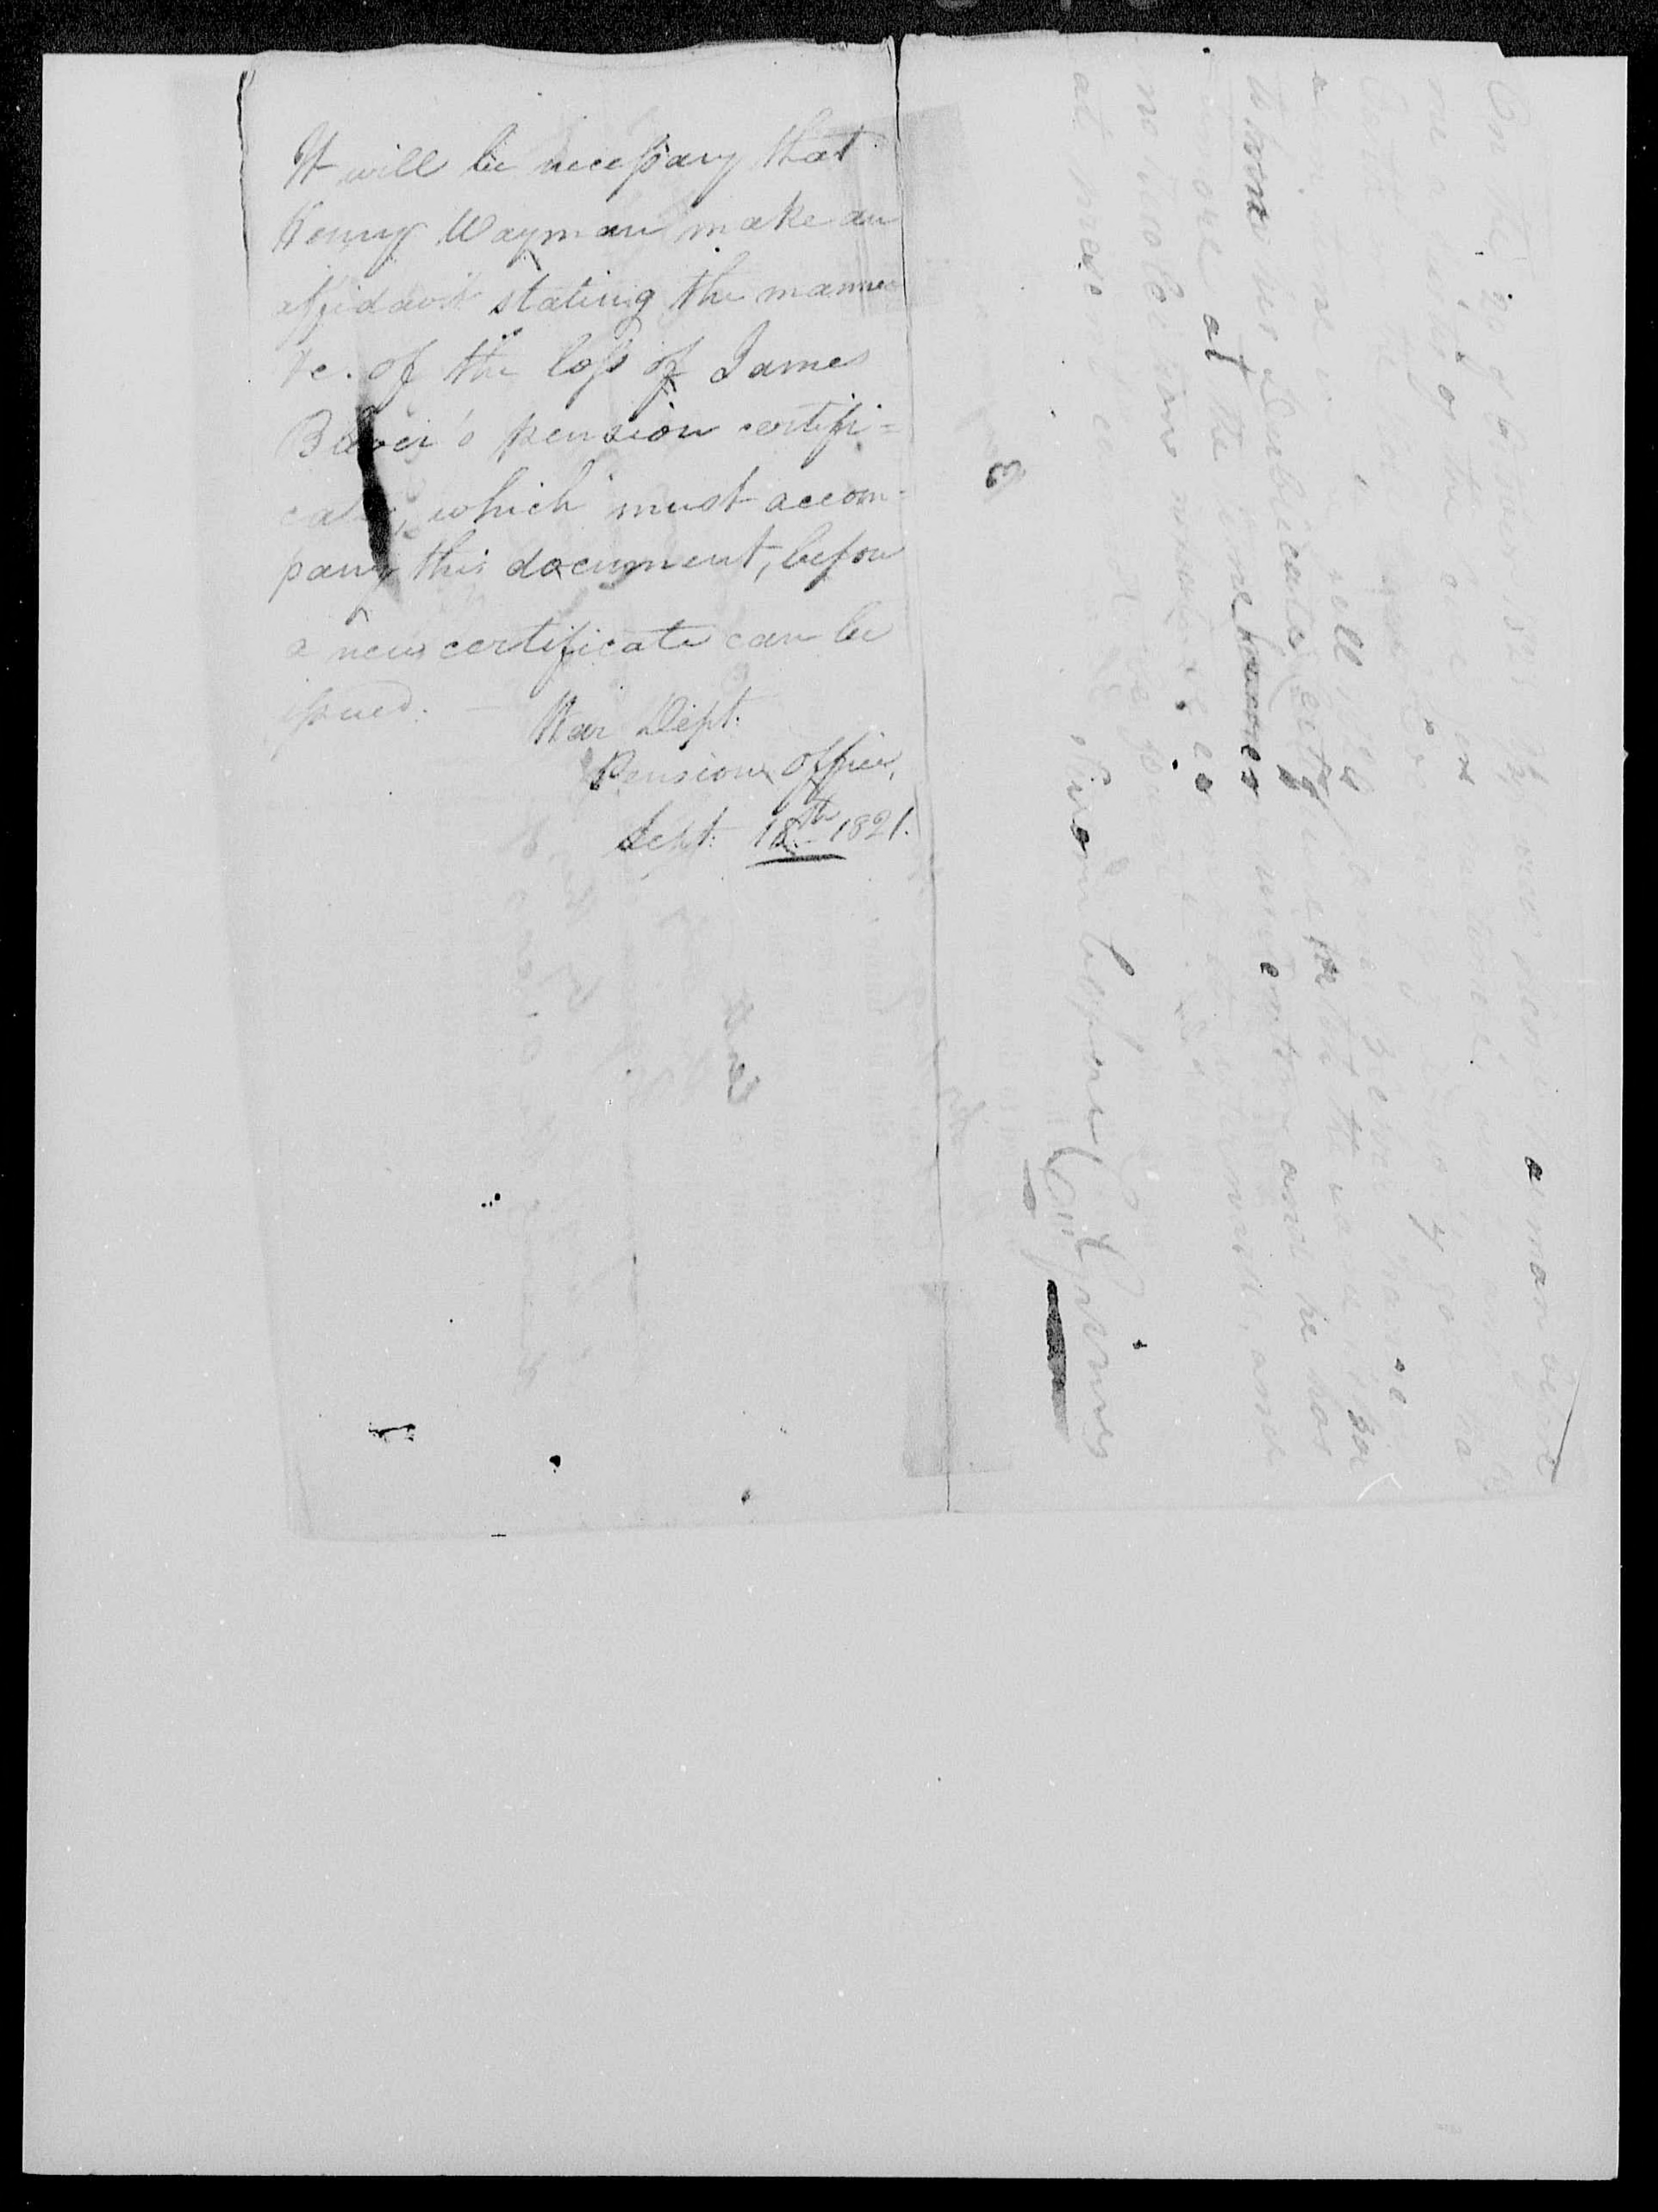[Duplicate of page 8 of this collection]

It will be necessary that Henry Wayman make an affidavit stating the manner of the loss of James Blewer's [blotted] pension certificate which must accompany this document, before a new certificate can be issued
War Dept
Pensioner Office
Sept. 18th 1821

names: James Blever, Henry Wayman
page: 6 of 30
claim: survivor's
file: S. 10093, James Blewer, Md.